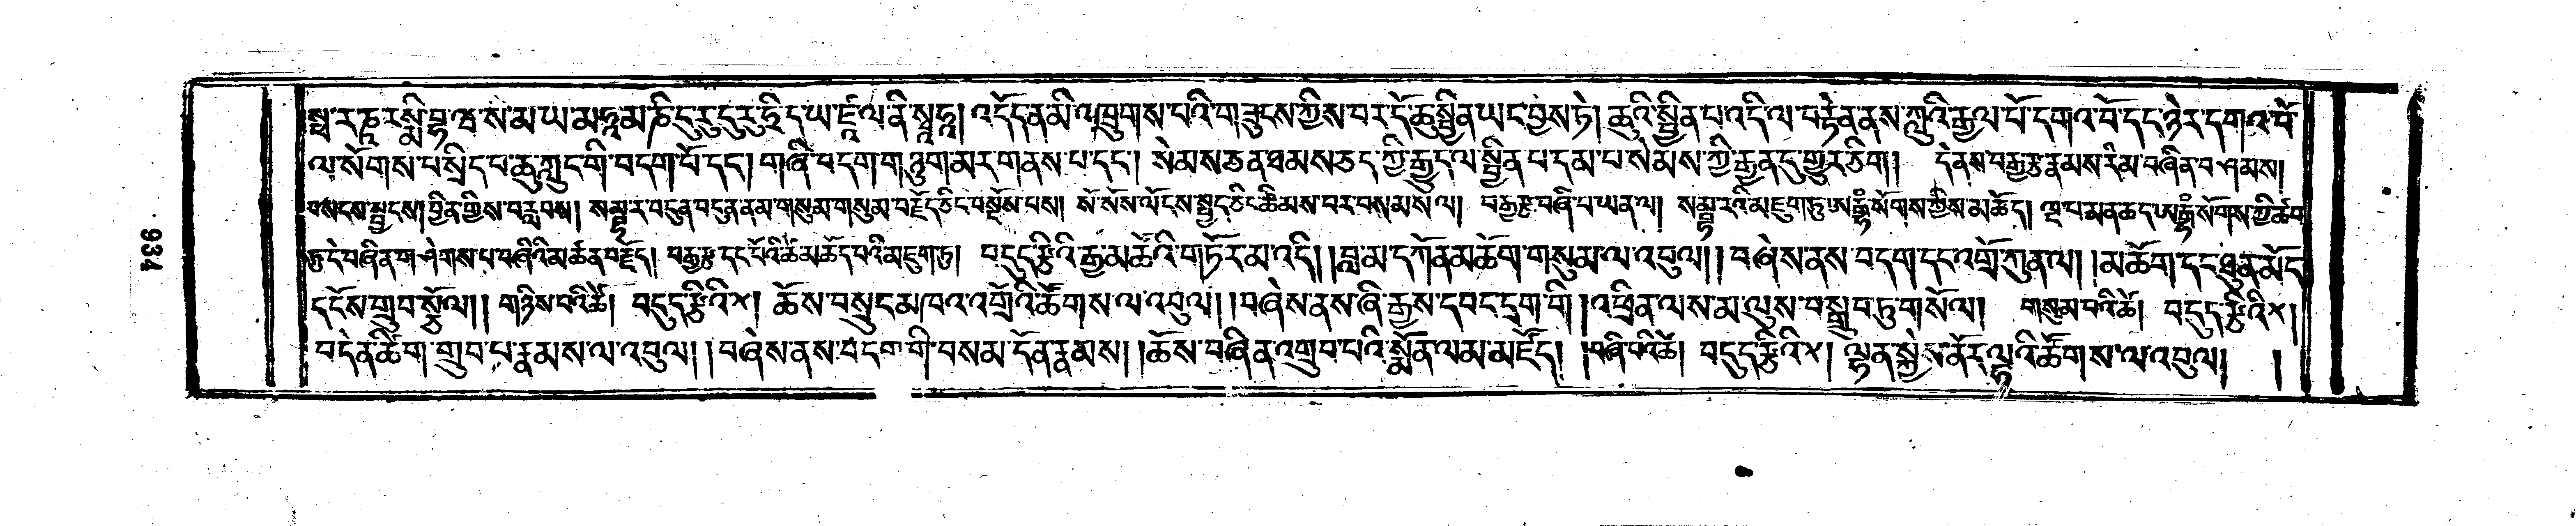སྥ་ར་ཎཱ་ར་སྨི་བྷ་ཝ་ས་མ་ཡ་མ་ཧཱ་མ་ཎི་དུ་རུ་དུ་རུ་ཧྲིད་ཡ་ཛཱ་ལ་ནི་སྭཱཧཱ། །འདོད་ན་མི་འཁྲུགས་པའི་གཟུངས་ཀྱིས་བར་དོ་ཆུ་སྦྱིན་ཡང་བྱས་ཏེ། ཆུའི་སྦྱིན་པ་འདི་ལ་བརྟེན་ནས་ཀླུའི་རྒྱལ་པོ་དགའ་བོ་དང་ཉེར་དགའ་བོ་
ལ་སོགས་པ་སྲིད་པ་ཆུ་ཀླུང་གི་བདག་པོ་དང་། གཞི་བདག་གཉུག་མར་གནས་པ་དང་། སེམས་ཅན་ཐམས་ཅད་ཀྱི་རྒྱུད་ལ་སྦྱིན་པ་དམ་པ་སེམས་ཀྱི་རྒྱན་དུ་གྱུར་ཅིག ། དེ་ནས་བརྒྱ་རྩ་རྣམས་རིམ་བཞིན་བཤམས།
བསངས་སྦྱངས། བྱིན་གྱིས་བརླབས། སམྦྷར་བདུན་བདུན་ནམ་གསུམ་གསུམ་བརྗོད་ཀྱང་བསྔོས་པས། སོ་སོས་ལོངས་སྤྱད་ཅིང་ཚིམས་པར་བསམས་ལ། བརྒྱ་རྩ་བཞི་པ་ཡན་ལ། སམྦྷ་རའི་མཇུག་ཏུ་ཨརྒྷཾ་སོགས་ཀྱིས་མཆོད། ལྔ་པ་མན་ཆད་ཨརྒྷཾ་སོགས་ཀྱི་ཚབ་
ཏུ་དེ་བཞིན་གཤེགས་པ་བཞིའི་མཚན་བརྗོད། བརྒྱ་རྩ་དང་པོའི་ཚེ་མཆོད་པའི་མཇུག་ཏུ། །བདུད་རྩིའི་རྒྱ་མཚོའི་གཏོར་མ་འདི། །བླ་མ་དཀོན་མཆོག་གསུམ་ལ་འབུལ། །བཞེས་ནས་བདག་དང་འགྲོ་ཀུན་ལ། །མཆོག་དང་ཐུན་མོང་
དངོས་གྲུབ་སྩོལ། །གཉིས་པའི་ཚེ།  བདུད་རྩིའི་྾། ཆོས་བསྲུང་མཁའ་འགྲོའི་ཚོགས་ལ་འབུལ། །བཞེས་ནས་ཞི་རྒྱས་དབང་དྲག་གི །འཕྲིན་ལས་མ་ལུས་བསྒྲུབ་ཏུ་གསོལ། གསུམ་པའི་ཚེ།  བདུད་རྩིའི་྾།
བདེན་ཚིག་གྲུབ་པ་རྣམས་ལ་འབུལ། །བཞེས་ནས་བདག་གི་བསམ་དོན་རྣམས། །ཆོས་བཞིན་འགྲུབ་པའི་སྨོན་ལམ་མཛོད། །བཞི་པའི་ཚེ།  བདུད་རྩིའི་྾། ལྷན་སྐྱེས་ནོར་ལྷའི་ཚོགས་ལ་འབུལ། །